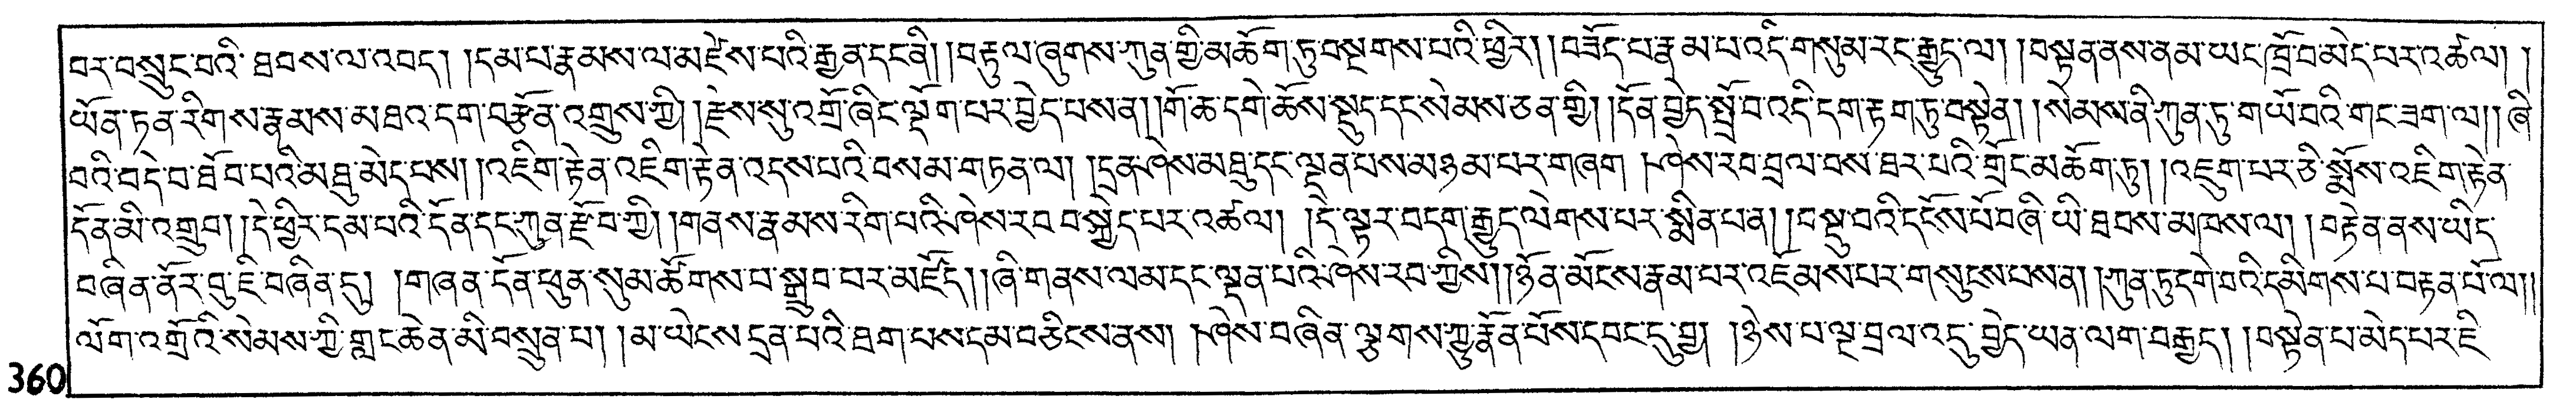བར་བསྲུང་བའི་ཐབས་ལ་འབད། །དམ་པ་རྣམས་ལ་མཛེས་པའི་རྒྱན་དང་ནི། །བརྟུལ་ཞུགས་ཀུན་གྱི་མཆོག་ཏུ་བསྔགས་པའི་ཕྱིར། །བཟོད་པ་རྣམ་པ་འདི་གསུམ་རང་རྒྱུད་ལ། །བསྟན་ནས་ནམ་ཡང་ཁྲོ་བ་མེད་པར་འཚལ། །
ཡོན་ཏན་རིགས་རྣམས་མཐའ་དག་བརྩོན་འགྲུས་ཀྱི། །རྗེས་སུ་འགྲོ་ཞིང་ལྡོག་པར་བྱེད་པས་ན། །གོ་ཆ་དགེ་ཆོས་སྡུད་དང་སེམས་ཅན་གྱི། །དོན་བྱེད་སྤྲོ་བ་འདི་དག་རྟག་ཏུ་བསྟེན། །སེམས་ནི་ཀུན་ཏུ་གཡོ་བའི་གང་ཟག་ལ། །ཞི་
བའི་བདེ་བ་ཐོབ་པའི་མཐུ་མེད་པས། །འཇིག་རྟེན་འཇིག་རྟེན་འདས་པའི་བསམ་གཏན་ལ། །དྲན་ཤེས་མཐུ་དང་ལྡན་པས་མཉམ་པར་གཞག །ཤེས་རབ་བྲལ་བས་ཐར་པའི་གྲོང་མཆོག་ཏུ། །འཇུག་པར་ཅི་སྨོས་འཇིག་རྟེན་
དོན་མི་འགྲུབ། །དེ་ཕྱིར་དམ་པའི་དོན་དང་ཀུན་རྫོབ་ཀྱི། །གནས་རྣམས་རིག་པའི་ཤེས་རབ་བསྐྱེད་པར་འཚལ། །དེ་ལྟར་བདག་རྒྱུད་ལེགས་པར་སྨིན་པ་ན། །བསྡུ་བའི་དངོས་པོ་བཞི་ཡི་ཐབས་མཁས་ལ། །བརྟེན་ནས་ཡིད་
བཞིན་ནོར་བུ་ཇི་བཞིན་དུ། །གཞན་དོན་ཕུན་སུམ་ཚོགས་པ་སྒྲུབ་པར་མཛོད། །ཞི་གནས་ལམ་དང་ལྡན་པའི་ཤེས་རབ་ཀྱིས། །ཉོན་མོངས་རྣམ་པར་འཇོམས་པར་གསུངས་པས་ན། །ཀུན་ཏུ་དགེ་བའི་དམིགས་པ་བརྟན་པོ་ལ། །
ལོག་འགྲོའི་སེམས་ཀྱི་གླང་ཆེན་མི་བསྲུན་པ། །མ་ཡེངས་དྲན་པའི་ཐག་པས་དམ་བཅིངས་ནས། །ཤེས་བཞིན་ལྕགས་ཀྱུ་རྣོན་པོས་དབང་དུ་བྱ། །ཉེས་པ་ལྔ་བྲལ་འདུ་བྱེད་ཡན་ལག་བརྒྱད། །བསྟེན་པ་མེད་པར་ཇི་